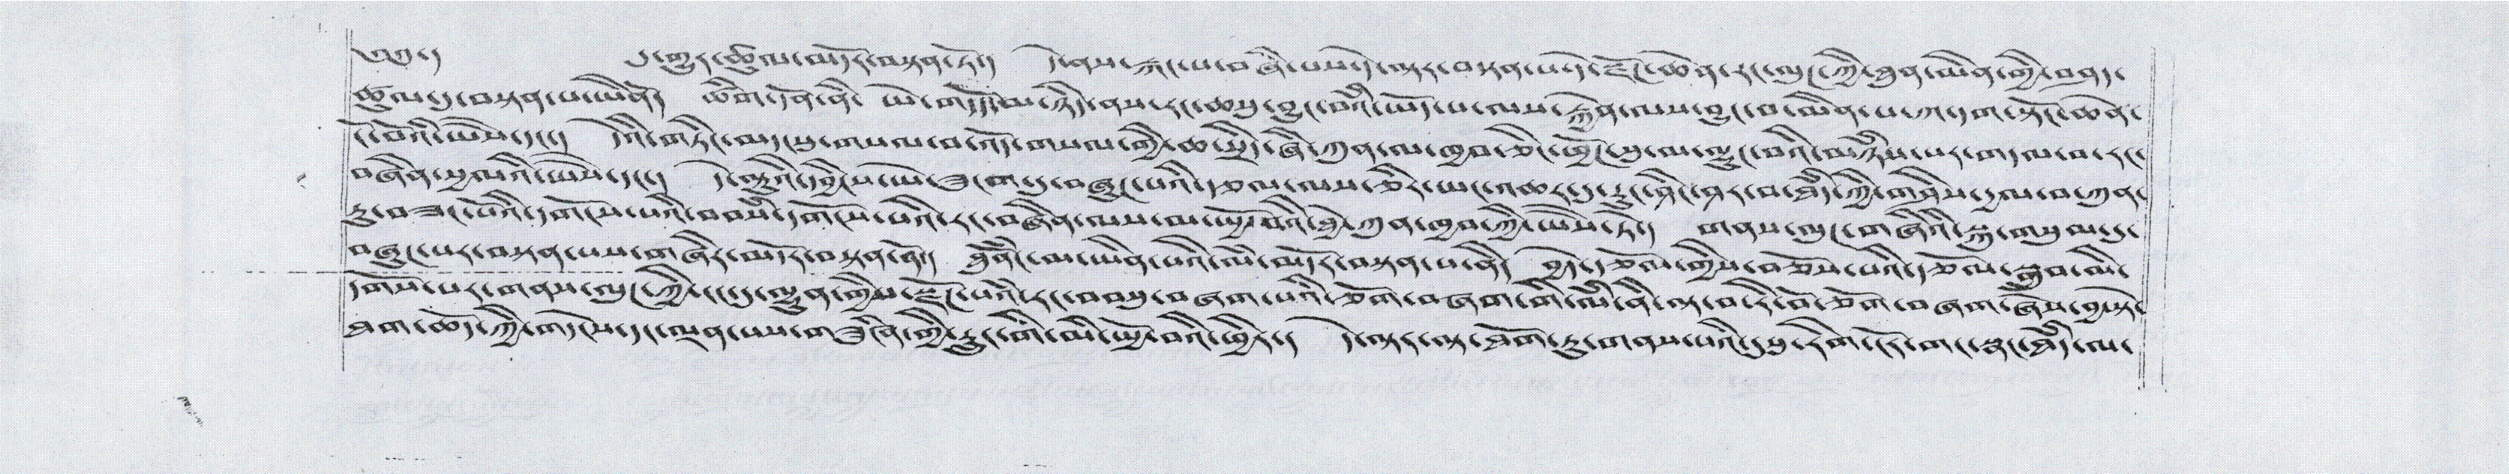དུ་གྱུར་ཚུལ་མདོར་བསྟན་ཏོ། དེ་ནས་རྐང་པ་བཞི་པས་དེ་ལྟར་བསྟན་པ་དེ་རྫོགས་ཆེན་རང་ལུགས་ཀྱི་ཐུན་མིན་གྱི་བཤད་
ཚུལ་དེ་བསྟན་པ་ཡིན་ནོ། ཚིག་དོན་ནི། ཡེ་གདོད་མ་ཉིད་ནས་རང་ཆས་སུ་བྱུང་བའམ་ཡོད་པ་ལས་རྐྱེན་ལས་བྱུང་བ་མིན་པ་ཀ་དག་སྟོང་ཆེན་
ངོ་བོའི་ཡེ་ཤེས་དང་། དེའི་གཏིང་མདངས་སུ་གསལ་བ་འོད་གསལ་གྱི་ཆ་སྲིད་ཞི་ཀུན་ལ་ཁྱབ་ཅིང་ཕྱོགས་སུ་མ་ལྷུང་བའི་མཉམ་པར་བདལ་བ་རང་
བཞིན་གསལ་བའི་ཡེ་ཤེས་དང་། དེ་ལྟ་བུའི་དབྱིངས་ཡེ་ཟུང་འཇུག་ཏུ་བཞུགས་པའི་རྩལ་ལས་ཅིར་ཡང་འཆར་དུ་རུང་ཞིང་ཤར་བ་ཐམས་ཅད་ཀྱི་གཤིས་རྒྱལ་བ་ཀུན་
ཏུ་བཟང་པོའི་དགོངས་པའི་བབས་སམ་དགོངས་པའི་རང་བཞིན་ལས་མ་གཡོ་བའི་ཐུགས་རྗེ་ཀུན་ཁྱབ་ཀྱི་ཡེ་ཤེས་ཏེ། གནས་ལུགས་གཞིའི་སྐུ་གསུམ་དུ་
བཞུགས་པར་བསྟན་པས་གཞིར་མདོར་བསྟན་ནོ། ཐུན་མོང་མ་ཡིན་པའི་ལམ་མདོར་བསྟན་པ་ནི། བྱེད་རྩོལ་གྱིས་བཅོས་པའི་རྩོལ་སྒྲུབ་མི་
དགོས་པར་གནས་ལུགས་ཀྱི་ངང་དུ་ལྷུན་གྱིས་རྫོགས་པའི་རང་བབས་སུ་བཞག་པའི་ཅོག་བཞག་གི་གི་ལམ་ནི་ལྟ་བ་རི་བོ་ཅོག་བཞག་ཅེས་བྱ་སྟེ་
ཐག་ཆོད་ཀྱི་གདེང་དང་ལྡན་པས་གཟུང་འཛིན་གྱི་རླུང་གིས་མི་གཡོ་བའི་ཕྱིར། ད་ལྟར་ལྟ་ཐོག་ཏུ་གནས་པའི་དུས་སུ་རིག་ངོར་གང་སྣང་ཐམས་ཅད་ལ་